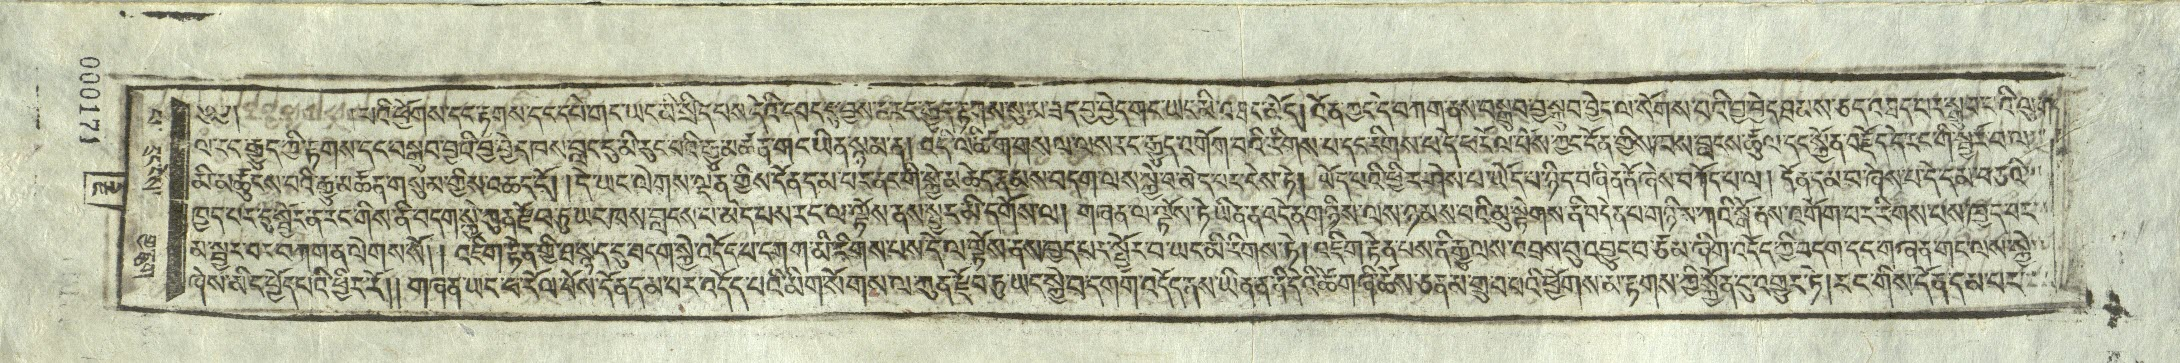༄༅། །པའི་ཕྱོགས་དང་རྟགས་དང་དཔེ་གང་ཡང་མི་སྲིད་པས་དེའི་དབང་དུ་བྱས་ན་རང་རྒྱུད་རྟགས་སུ་མ་ཟད་བྱ་བྱེད་གང་ཡང་མི་འཐད་མོད། འོན་ཀྱང་དེ་བཀག་ནས་བསྒྲུབ་བྱ་སྒྲུབ་བྱེད་ལ་སོགས་པའི་བྱ་བྱེད་ཐམས་ཅད་འཐད་པར་སྒྲུབ་པའི་ལུགས་
ལ་རང་རྒྱུད་ཀྱི་རྟགས་དང་བསྒྲུབ་བྱའི་བྱ་བྱེད་ཁས་བླང་དུ་མི་རུང་བའི་རྒྱུ་མཚན་གང་ཡིན་སྙམ་ན། འདི་ལ་ཚིག་གསལ་ལས་རང་རྒྱུད་འགོག་པའི་རིགས་པ་དང་རིགས་པ་དེ་ཕ་རོལ་པོས་ཀྱང་དོན་གྱིས་ཁས་བླངས་ཚུལ་དང་སྐྱོན་བརྗོད་དེ་རང་གི་སྦྱོར་བ་ལ་
མི་མཚུངས་པའི་རྒྱུ་མཚན་གསུམ་གྱིས་འཆད་དོ། །དེ་ཡང་ལེགས་ལྡན་གྱིས་དོན་དམ་པར་ནང་གི་སྐྱེ་མཆེད་རྣམས་བདག་ལས་སྐྱེ་བ་མེད་པར་ངེས་ཏེ། ཡོད་པའི་ཕྱིར་ཤེས་པ་ཡོད་པ་ཉིད་བཞིན་ནོ་ཞེས་བཀོད་པ་ལ། དོན་དམ་པ་ཞེས་པ་དེ་དམ་བཅའི་
ཁྱད་པར་དུ་སྦྱོར་ན་རང་གིས་ནི་བདག་སྐྱེ་ཀུན་རྫོབ་ཏུ་ཡང་ཁས་བླངས་པ་མེད་པས་རང་ལ་ལྟོས་ནས་སྦྱར་མི་དགོས་ལ། གཞན་ལ་ལྟོས་ཏེ་ཡིན་ན་བདེན་གཉིས་ལས་ཉམས་པའི་མུ་སྟེགས་ནི་བདེན་པ་གཉིས་ཀའི་སྒོ་ནས་འགོག་པར་རིགས་པས་ཁྱད་པར་
མ་སྦྱར་བར་བཀག་ན་ལེགས་སོ། །འཇིག་རྟེན་གྱི་ཐ་སྙད་དུ་བདག་སྐྱེ་འདོད་པ་དགག་མི་རིགས་པས་དེ་ལ་ལྟོས་ནས་ཁྱད་པར་སྦྱོར་བ་ཡང་མི་རིགས་ཏེ། འཇིག་རྟེན་པས་ནི་རྒྱུ་ལས་འབྲས་བུ་འབྱུང་བ་ཙམ་ཞིག་འདོད་ཀྱི་བདག་དང་གཞན་གང་ལས་སྐྱེ་
ཞེས་མི་དཔྱོད་པའི་ཕྱིར་རོ། །གཞན་ཡང་ཕ་རོལ་པོས་དོན་དམ་པར་འདོད་པའི་མིག་སོགས་ལ་ཀུན་རྫོབ་ཏུ་ཡང་སྐྱེ་བ་དགག་འདོད་ནས་ཡིན་ན་ནི་དེའི་ཚེ་གཞི་ཆོས་ཅན་མ་གྲུབ་པའི་ཕྱོགས་མ་རྟགས་ཀྱི་སྐྱོན་དུ་འགྱུར་ཏེ། རང་གིས་དོན་དམ་པར་